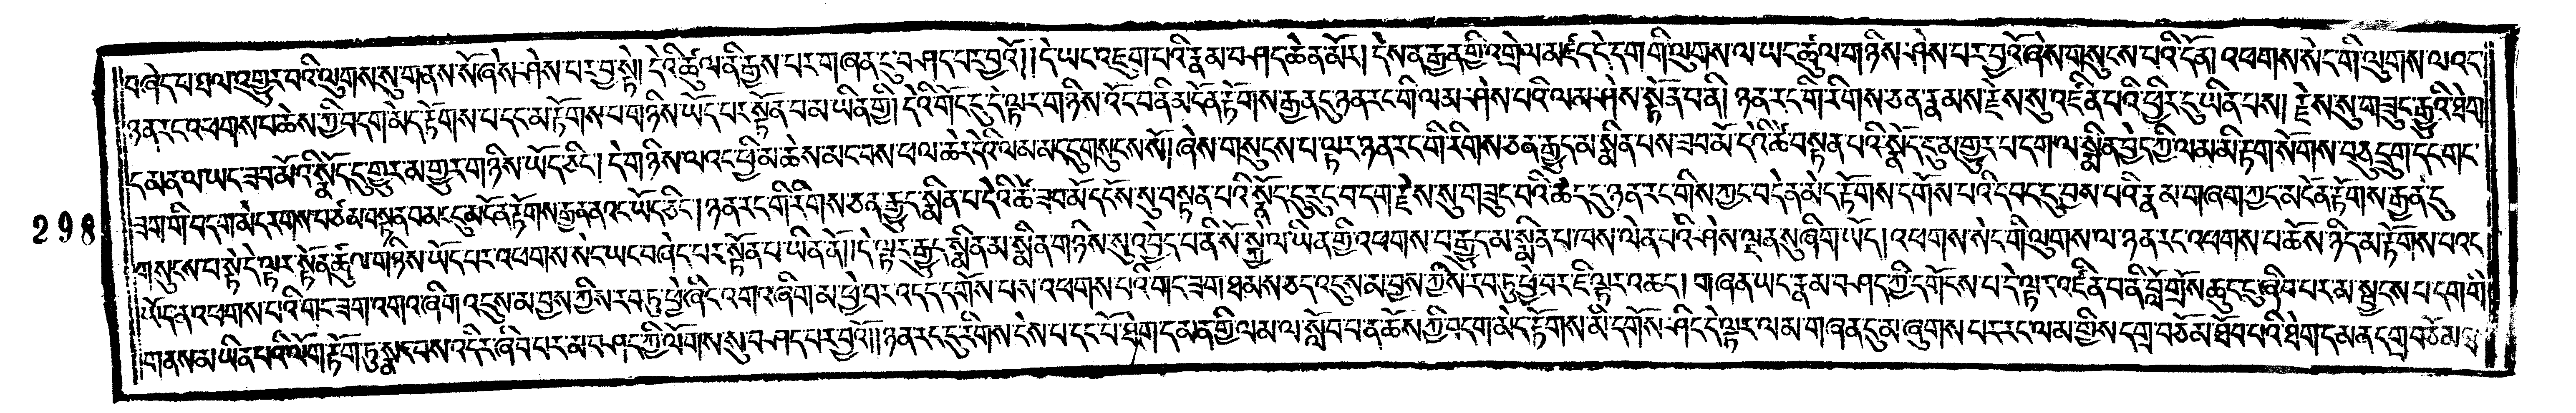བཞེད་པ་ཐལ་འགྱུར་བའི་ལུགས་སུ་གནས་སོ་ཞེས་ཤེས་པར་བྱ་སྟེ། དེའི་ཚུལ་ནི་རྒྱས་པར་གཞན་དུ་བཤད་པར་བྱའོ། །དེ་ཡང་འཇུག་པའི་རྣམ་བཤད་ཆེན་མོར། དེས་ན་རྒྱན་གྱི་འགྲེལ་མཛད་དེ་དག་གི་ལུགས་ལ་ཡང་ཚུལ་གཉིས་ཤེས་པར་བྱའོ་ཞེས་གསུངས་པའི་དོན། འཕགས་སེང་གི་ལུགས་ལའང་
ཉན་རང་འཕགས་པ་ཆེས་ཀྱི་བདག་མེད་རྟོགས་པ་དང་མ་རྟོགས་པ་གཉིས་ཡོད་པར་སྟོན་པ་མ་ཡིན་གྱི། དེའི་གོང་དུ་དེ་ལྟར་གཉིས་འོང་བ་ནི་མངོན་རྟོགས་རྒྱན་དུ་ཉན་རང་གི་ལམ་ཤེས་པའི་ལམ་ཤེས་སྟོན་པ་ནི། ཉན་རང་གི་རིགས་ཅན་རྣམས་རྗེས་སུ་འཛིན་པའི་ཕྱིར་དུ་ཡིན་པས། རྗེས་སུ་གཟུང་རྒྱུའི་ཐེག་
དམན་ལ་ཡང་ཟབ་མོའི་སྣོད་དུ་གྱུར་མ་གྱུར་གཉིས་ཡོད་ཅིང་། དེ་གཉིས་ལའང་ཕྱི་མ་ཆེས་མང་བས་ཕལ་ཆེར་དེའི་ལམ་མང་དུ་གསུངས་སོ། ཞེས་གསུངས་པ་ལྟར་ཉན་རང་གི་རིགས་ཅན་རྒྱུད་མ་སྨིན་པས་ཟབ་མོ་དེའི་ཚེ་བསྟན་པའི་སྣོད་དུ་མ་གྱུར་པ་དག་ལ་སྨིན་བྱེད་ཀྱི་ལམ་མི་རྟག་སོགས་བཅུ་དྲུག་དང་གང་
ཟག་གི་བདག་མེད་རགས་པ་ཙམ་བསྟན་པ་མང་དུ་མངོན་རྟོགས་རྒྱན་ནའང་ཡོད་ཅིང་། ཉན་རང་གི་རིགས་ཅན་རྒྱུད་སྨིན་པ་དེའི་ཚེ་ཟབ་མོ་དངོས་སུ་བསྟན་པའི་སྣོད་དུ་རུང་བ་དག་རྗེས་སུ་གཟུང་བའི་ཚད་དུ་ཉན་རང་གིས་ཀྱང་བདེན་མེད་རྟོགས་དགོས་པའི་དབང་དུ་བྱས་པའི་རྣམ་གཞག་ཀྱང་མངོན་རྟོགས་རྒྱན་དུ་
གསུངས་པ་སྟེ་དེ་ལྟར་སྟོན་ཚུལ་གཉིས་ཡོད་པར་འཕགས་སེང་ཡང་བཞེང་པར་སྟོན་པ་ཡིན་ནོ། །དེ་ལྟར་རྒྱུད་སྨིན་མ་སྨིན་གཉིས་སུ་འབྱེད་པ་ནི་སོ་སྐྱེ་ལ་ཡིན་གྱི་འཕགས་བ་རྒྱུད་མ་སྨིན་པ་ཁས་ལེན་པའི་ཤེས་ལྡན་སུ་ཞིག་ཡོད། འཕགས་སེང་གི་ལུགས་ལ་ཉན་རང་འཕགས་པ་ཆོས་ཉིད་མ་རྟོགས་པའང་
ཡོད་ན་འཕགས་པའི་གང་ཟག་འགའ་ཞིག་འདུས་མ་བྱས་ཀྱིས་རབ་ཏུ་ཕྱེ་ཞིང་འགའ་ཞིག་མ་ཕྱེ་བར་འདད་དགོས་པས་འཕགས་པའི་གང་ཟག་ཐམས་ཅད་འདུས་མ་བྱས་ཀྱིས་རབ་ཏུ་ཕྱེ་བར་ཇི་ལྟར་འཆད། གཞན་ཡང་རྣམ་བཤད་ཀྱི་དགོངས་པ་དེ་ལྟར་འཛིན་པ་ནི་བློ་གྲོས་ཆུང་དུ་ཞིང་པར་མ་སྦྱངས་པ་དག་གི་
གནས་མ་ཡིན་པའི་ལོག་རྟོག་ཏུ་སྣང་བས་འདིར་ཞིབ་པར་མ་བཤད་ཀྱི་ལོགས་སུ་བཤད་པར་བྱའོ། །ཉན་རང་དུ་རིགས་ངེས་པ་དང་པོ་ཐེག་དམན་གྱི་ལམ་ལ་སློབ་པ་ན་ཆོས་ཀྱི་བདག་མེད་རྟོགས་མི་དགོས་ཤིང་དེ་ལྟར་ལམ་གཞན་དུ་མ་ཞུགས་པར་རང་ལམ་གྱིས་དགྲ་བཅོམ་ཐོབ་པའི་ཐེག་དམན་དགྲ་བཅོམ་ལ་